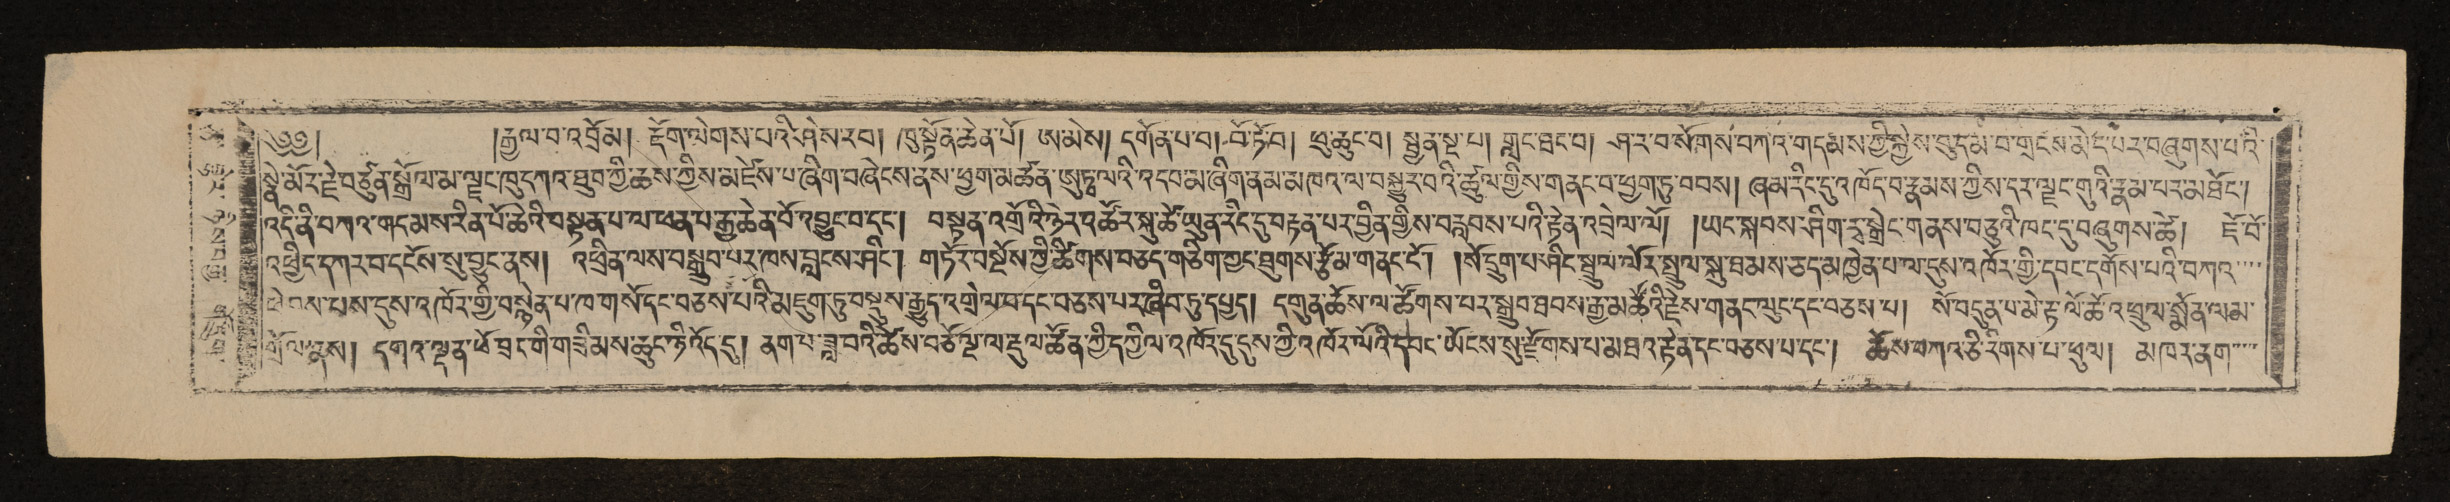༄༅། །རྒྱལ་བ་འབྲོམ། རྡོག་ལེགས་པའི་ཤེས་རབ། ཁུ་སྟོན་ཆེན་པོ། ཨ་མེས། དགོན་པ་བ། པོ་ཏོ་པ། ཁུ་ཆུང་བ། སྤྱན་སྔ་པ། གླང་ཐང་བ། ཤར་བ་སོགས་བཀའ་གདམས་ཀྱི་སྐྱེས་བུ་དམ་པ་གྲངས་མེད་པར་བཞུགས་པའི་
སྣེ་མོར་རྗེ་བཙུན་སྒྲོལ་མ་ལྗང་ཁུ་དཀའ་ཐུབ་ཀྱི་ཆས་ཀྱིས་མཛེས་བ་ཞིག་བཞེངས་ནས་ཕྱག་མཚན་ཨུཏྤ་ལའི་འདབ་མ་ཞིག་ནམ་མཁའ་ལ་བསྒྱུར་བའི་ཚུལ་གྱིས་གནང་བ་ཕྱག་ཏུ་བབས། ཞམ་རིང་དུ་འཁོད་པ་རྣམས་ཀྱིས་དར་ལྗང་གུའི་རྣམ་པར་མཐོང་།
འདི་ནི་བཀའ་གདམས་རིན་པོ་ཆེའི་བསྟན་པ་ལ་ཕན་པ་རྒྱ་ཆེན་པོ་འབྱུང་བ་དང་། བསྟན་འགྲོའི་ཉེར་འཚོར་སྐུ་ཚེ་ཡུན་རིང་དུ་བརྟན་པར་བྱིན་གྱིས་བརླབས་པའི་རྟེན་འབྲེལ་ལོ། །ཡང་སྐབས་ཤིག་རྭ་སྒྲེང་གནས་བཅུའི་ཁང་དུ་བཞུགས་ཚེ། ཇོ་བོ་
འཕྱིར་དཀར་པ་དངོས་སུ་བྱུང་ནས། འཕྲིན་ལས་བསྒྲུབ་པར་ཁས་བླངས་ཤིང་། གཏོར་བསྔོས་ཀྱི་ཚིགས་བཅད་གཅིག་ཀྱང་ཐུགས་རྩོམ་གནང་ངོ། །སོ་དྲུག་པ་ཤིང་སྦྲུལ་ལོར་སྤྲུལ་སྐུ་ཐམས་ཅད་མཁྱེན་པ་ལ་དུས་འཁོར་གྱི་དབང་དགོས་པའི་བཀའ་
ཕེབས་པས་དུས་འཁོར་གྱི་བསྙེན་པ་ཁ་གསོ་དང་བཅས་པའི་མཇུག་ཏུ་བསྡུས་རྒྱུད་འགྲེལ་པ་དང་བཅས་པར་ཞིབ་ཏུ་དཔྱད། དགུན་ཆོས་ལ་ཚོགས་པར་སྒྲུབ་ཐབས་རྒྱ་མཚོའི་རྗེས་གནང་ལུང་དང་བཅས་པ། སོ་བདུན་པ་མེ་རྟ་ལོ་ཆོ་འཕྲུལ་སྨོན་ལམ་
གྲོལ་ནས། དགའ་ལྡན་ཕོ་བྲང་གི་གཟིམས་ཆུང་ཉི་འོད་དུ། ནག་པ་ཟླ་བའི་ཚེས་བཅོ་ལྔ་ལ་རྡུལ་ཚོན་ཀྱི་དཀྱིལ་འཁོར་དུ་དུས་ཀྱི་འཁོར་ལོའི་དབང་ཡོངས་སུ་རྫོགས་པ་མཐའ་རྟེན་དང་བཅས་པ་དང་། ཆོས་བཀའ་ཅི་རིགས་པ་ཕུལ། མཁར་ནག་